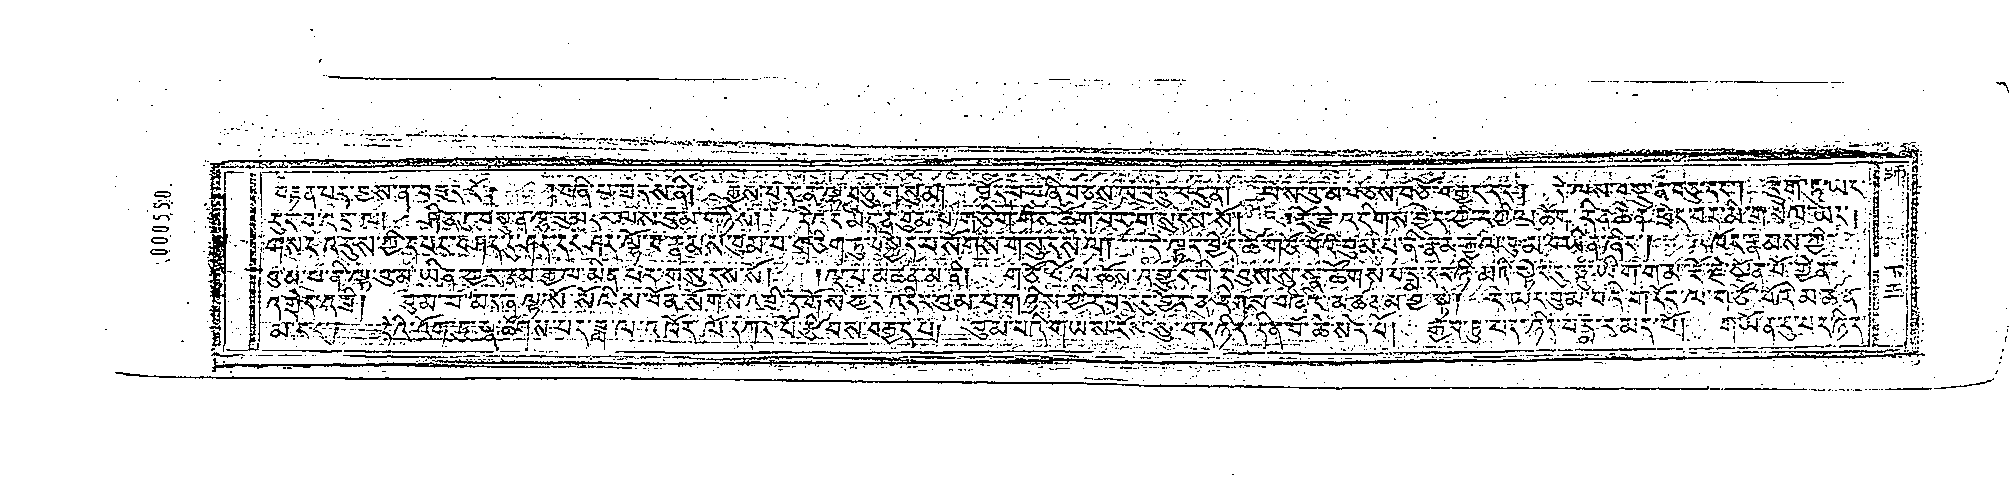བརྟན་པར་བྱས་ན་བཟང་ངོ། །བཞི་པ་གྲངས་ནི། རྒྱས་པར་ན་ལྷ་བཅུ་གསུམ། ཐོད་བ་བཞི་བཅས་ལ་བཅུ་བདུན། ལས་བུམ་བཅས་བཅོ་བརྒྱད་དང་། དེ་ལས་བསྡུ་ན་བཅུ་དང་། དྲུག་ཏུ་ཡང་
རུང་བ་འདྲ་ལ། ཤིན་ཏུ་བསྡུ་ན་ལྷ་བུམ་དང་ལས་བུམ་གཉིས། དེའང་མེད་ན་བུམ་པ་གཅིག་གིས་ཆོག་པར་གསུངས་སོ། །རྡོ་རྗེ་འཇིགས་བྱེད་ཀྱི་དཀྱིལ་ཆོག་རིན་ཆེན་ཕྲེང་བར་མི་གསལ་ཡང་།
གསང་འདུས་ཀྱི་དབང་བཤད་དུ་ཤར་དང་ཤར་ལྷོ་བ་རྣམས་བུམ་པ་གཅིག་ཏུ་བསྐྱེད་པ་སོགས་གསུངས་ལ། དེ་ལྟར་བྱེད་ཚེ་གཙོ་བོའི་བུམ་པ་ནི་རྣམ་རྒྱལ་བུམ་བ་ཡིན་ཞིང་། འཁོར་རྣམས་ཀྱི་
བུམ་པ་ནི་ལྟ་བུམ་ཡིན་ཀྱང་རྣམ་རྒྱལ་མིན་པར་གསུངས་སོ། །ལྔ་པ་མཚན་མ་ནི། གཙོ་བོ་ལ་ཆོས་འབྱུང་གི་དབུས་སུ་སྣ་ཚོགས་པདམ་དང་ཉི་མའི་སྟེང་དུ་ཧཱུཾ་ཡིག་གམ་རྡོ་རྗེ་སྔོན་པོ་གྱེན་
འགྲེད་འབྲི། བུམ་པ་མང་ན་ལྷ་སོ་སོའི་ས་བོན་སོགས་འབྲི་དགོས་ཀྱང་འདིར་བུམ་པ་གཉིས་ཀྱི་དབང་དུ་བྱེད་ན་རིགས་བཞིའི་མཚན་མ་བྱ་སྟེ། དེ་ཡང་བུམ་པའི་གདོང་ལ་གཙོ་བོའི་མཚན་
མ་དང་། དེའི་འོག་ཏུ་སྣ་ཚོགས་པད་ཟླ་ལ་འཁོར་ལོ་དཀར་པོ་རྩིབས་བརྒྱད་པ། བུམ་པའི་གཡས་ངོས་སུ་པད་ཉིད་རིན་པོ་ཆེ་སེར་པོ། རྒྱབ་ཏུ་པད་ཉིད་པདམ་དམར་པོ། གཡོན་དུ་པད་ཉིད་